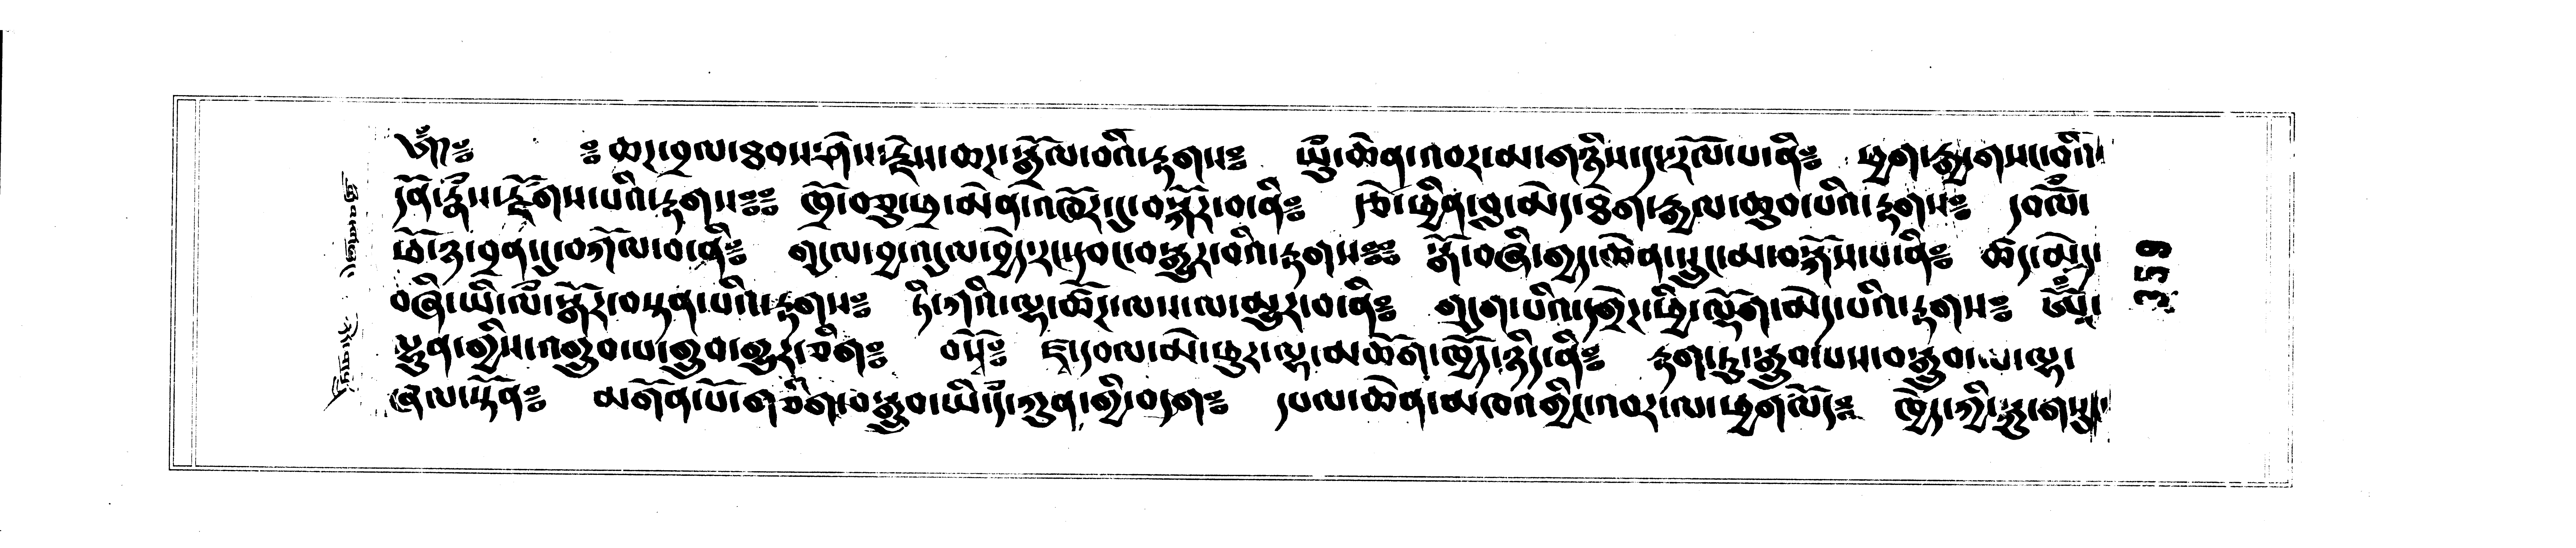ཆགས་བྲལ་ཐབས་ཤེས་རྗེས་ཆགས་སྒྲོལ་བའི་རྟགས༔ ཡུམ་ཆེན་འབར་མ་གཉིས་དང་རོལ་པ་ནི༔ ཕྱག་རྒྱ་གསང་བའི་
དོན་རྣམས་རྫོགས་པའི་རྟགས༔༔ ཁྲོ་བཅུ་ཕྲ་མེན་འཁོར་དུ་བསྐོར་བ་ནི༔ རྩེ་ཕྱིན་བླ་མེད་ཐེག་རྒྱལ་ཆུབ་པའི་རྟགས༔ དབལ་མོ་
ཕོ་ཉ་བྲན་དུ་བཀོལ་བ་ནི༔ གདུལ་བྱ་འདུལ་བྱེད་རང་དབང་བསྒྱུར་བའི་རྟགས༔༔ སྒོ་བཞི་གྱད་ཆེན་སྲུང་མ་བསྐོས་པ་ནི༔ ཚད་མེད་
བཞི་ཡི་ལམ་སྒོར་བསྟན་པའི་རྟགས༔ ཏི་ཀའི་ལྷ་ཚོགས་ལས་ལ་མྱུར་བ་ནི༔་གདུག་པའི་དགྲེགས་ཕྱིར་ལྡོག་མེད་པའི་རྟགས༔ ཨཱོྃ་
ལྷུན་གྱིས་འགྲུབ་པར་གྲུབ་གྱུར་ཅིག༔ བསྭོ༔ ཛྭ་དབལ་མེ་ཕུར་ལྷ་མཆོག་ཁྱེད་ཉིད་ནི༔ རྟག་ཏུ་སྒྲུབ་པས་བསྒྲུབ་ལ་ལྷ་
ཞལ་སྟོན༔ མགོན་པོ་གཅིག་བསྒྲུབ་ཡི་དམ་ཀུན་གྱི་བདག༔ དཔལ་ཆེན་མཁའ་གྱིང་འབར་ལ་ཕྱག་འཚལ་ལོ༔ ཁྱེད་ཀྱི་སྐུ་གསུང་